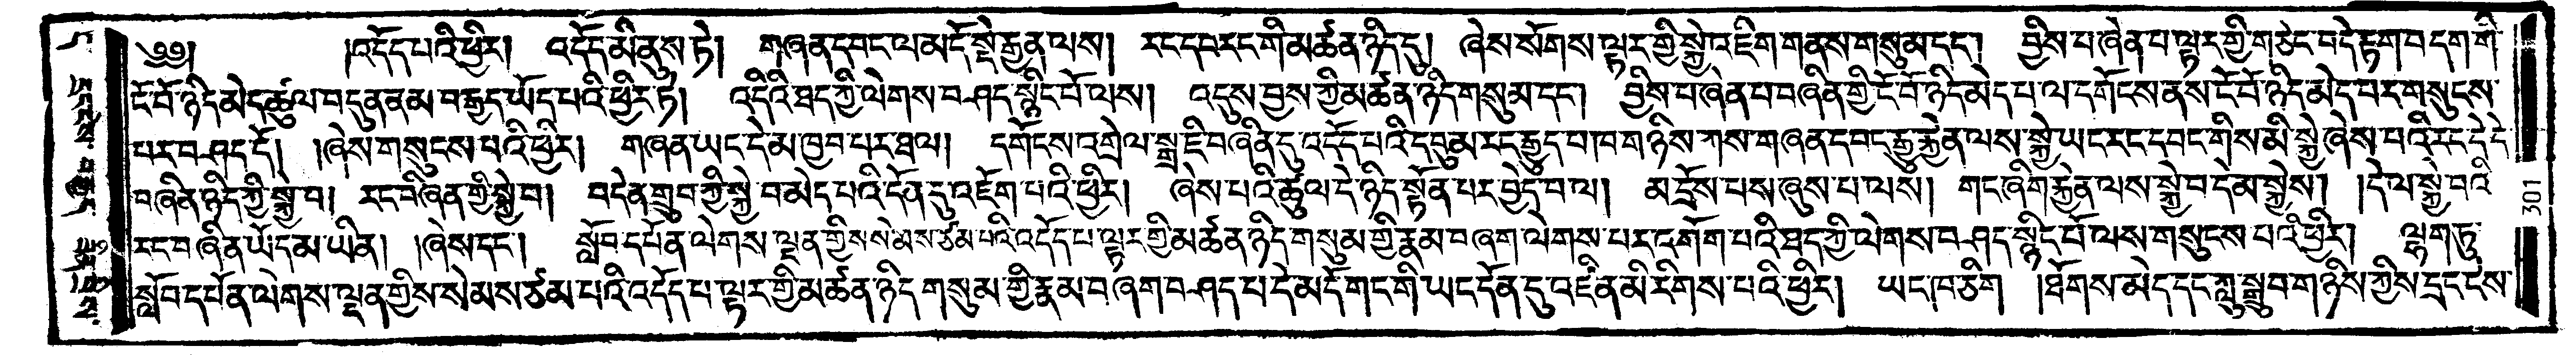༄༅། །འདོད་པའི་ཕྱིར། འདོད་མི་ནུས་ཏེ། གཞན་དབང་ལ་མདོ་སྡེ་རྒྱན་ལས། རང་དང་རང་གི་མཚན་ཉིད་དུ། ཞེས་སོགས་ལྟར་གྱི་སྐྱེ་འཇིག་གནས་གསུམ་དང་། བྱིས་པ་ཞེན་པ་ལྟར་གྱི་གཙང་བདེ་རྟག་བདག་གི་
ངོ་བོ་ཉིད་མེད་ཚུལ་བདུན་ནམ་བརྒྱད་ཡོད་པའི་ཕྱིར་ཏེ། འདིའི་ཐད་ཀྱི་ལེགས་བཤད་སྙིང་པོ་ལས། འདུས་བྱས་ཀྱི་མཚན་ཉིད་གསུམ་དང་། བྱིས་པ་ཞེན་པ་བཞིན་གྱི་ངོ་བོ་ཉིད་མེད་པ་ལ་དགོངས་ནས་ངོ་བོ་ཉིད་མེད་པར་གསུངས་
པར་བཤད་དོ། །ཞེས་གསུངས་པའི་ཕྱིར། གཞན་ཡང་དེ་མ་ཁྱབ་པར་ཐལ། དགོངས་འགྲེལ་སྒྲ་ཇི་བཞིན་དུ་འདོད་པའི་དབུ་མ་རང་རྒྱུད་པ་ཁ་གཉིས་ཀས་གཞན་དབང་རྒྱུ་རྐྱེན་ལས་སྐྱེ་ཡང་རང་དབང་གིས་མི་སྐྱེ་ཞེས་པའི་རང་དེ་དེ་
བཞིན་ཉིད་ཀྱི་སྐྱེ་བ། རང་བཞིན་གྱི་སྐྱེ་བ། བདེན་གྲུབ་ཀྱི་སྐྱེ་བ་མེད་པའི་དོན་དུ་འཇོག་པའི་ཕྱིར། ཞེས་པའི་ཚུལ་དེ་ཉིད་སྟོན་པར་བྱེད་པ་ལ། མ་དྲོས་པས་ཞུས་པ་ལས། གང་ཞིག་རྐྱེན་ལས་སྐྱེ་བ་དེ་མ་སྐྱེས། །དེ་ལ་སྐྱེ་བའི་
རང་བཞིན་ཡོད་མ་ཡིན། །ཞེས་དང་། སློབ་དཔོན་ལེགས་ལྡན་གྱིས་སེམས་ཙམ་པའི་འདོད་པ་ལྟར་གྱི་མཚན་ཉིད་གསུམ་གྱི་རྣམ་བཞག་ལེགས་པར་འགོག་པའི་ཐད་ཀྱི་ལེགས་བཤད་སྙིང་པོ་ལས་གསུངས་པའི་ཕྱིར། ལྷག་ཏུ་
སློབ་དཔོན་ལེགས་ལྡན་གྱིས་སེམས་ཙམ་པའི་འདོད་པ་ལྟར་གྱི་མཚན་ཉིད་གསུམ་གྱི་རྣམ་བཞག་བཤད་པ་དེ་མདོ་གང་གི་ཡང་དོན་དུ་འཛིན་མི་རིགས་པའི་ཕྱིར། ཡང་ཁ་ཅིག །ཐོགས་མེད་དང་ཀླུ་སྒྲུབ་གཉིས་ཀྱིས་དྲང་ངེས་